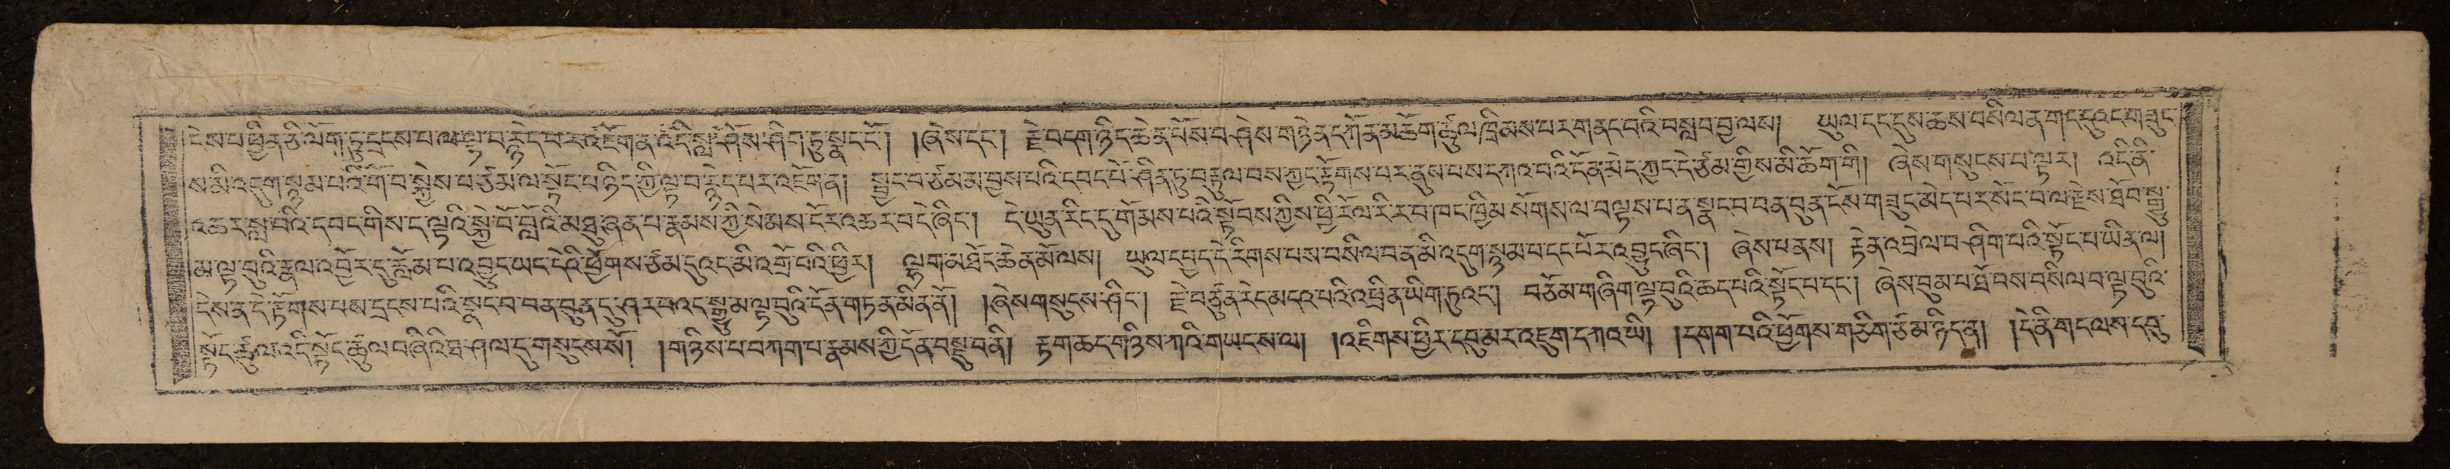ངེས་པ་ཕྱིན་ཅི་ལོག་ཏུ་དྲངས་པ་ལ་ལྟ་བ་རྙེད་པར་འཇོག་ན་འདི་སླ་ཤོས་ཤིག་ཏུ་སྣང་ངོ། །ཞེས་དང་། རྗེ་བདག་ཉིད་ཆེན་པོས་བཤེས་གཉེན་དཀོན་མཆོག་ཚུལ་ཁྲིམས་པར་གནང་བའི་བསླབ་བྱ་ལས། ཡུལ་དང་དུས་ཆས་བསིལ་ན་གང་དུའང་གཟུང་
ས་མི་འདུག་སྙམ་བའི་གོ་བ་སྐྱེས་པ་ཙམ་ལ་སྟོང་པ་ཉིད་ཀྱི་ལྟ་བ་རྙེད་པར་འཇོག་ན། སྦྱད་པ་ཙམ་མ་བྱས་པའི་དབང་པོ་ཤིན་ཏུ་བརྟུལ་བས་ཀྱང་རྟོགས་པར་ནུས་པས་དཀའ་བའི་དོན་མེད་ཀྱང་དེ་ཙམ་གྱིས་མི་ཆོག་གི། ཞེས་གསུངས་པ་ལྟར། འདི་ནི་
འཆར་སླ་བའི་དབང་གིས་ད་ལྟའི་སྐྱེ་བོ་བློའི་མཐུ་ཞན་པ་རྣམས་ཀྱི་སེམས་ངོར་འཆར་བདེ་ཞིང་། དེ་ཡུན་རིང་དུ་གོམས་པའི་སྟོབས་ཀྱིས་ཕྱི་རོལ་རི་ར་བ་ཁང་ཁྱིམ་སོགས་ལ་བལྟས་པ་ན་སྣང་བ་བན་བུན་ངོས་གཟུང་མེད་པར་སོང་བ་ལ་རྗེས་ཐོབ་སྒྱུ་
མ་ལྟ་བུའི་རྣལ་འབྱོར་དུ་རློམ་བ་འབྱུང་ཡང་དེའི་ཕྱོགས་ཙམ་དུའང་མི་འགྲོ་བའི་ཕྱིར། ལྷག་མཐོང་ཆེན་མོ་ལས། ཡུལ་དཔྱད་དེ་རིགས་པས་བསིལ་བ་ན་མི་འདུག་སྙམ་བ་དང་པོར་འབྱུང་ཞིང་། ཞེས་བ་ནས། རྟེན་འབྲེལ་བཤིག་པའི་སྟོང་པ་ཡིན་ལ།
དེས་ན་དེ་རྟོགས་པས་དྲངས་བའི་སྣང་བ་བན་བུ་ན་དུ་ཤར་བའང་སྒྱུ་མ་ལྟ་བུའི་དོན་གཏན་མིན་ནོ། །ཞེས་གསུངས་ཤིང་། རྗེ་བཙུན་རེད་མདའ་བའི་འཕྲིན་ཡིག་ཏུའང་། བཅོམ་གཞིག་ལྟ་བུའི་ཆད་པའི་སྟོང་པ་དང་། ཞེས་བུམ་པ་ཐོ་བས་བསིལ་བ་ལྟ་བུའི་
སྟོང་ཚུལ་འདི་སྟོང་ཚུལ་བཞིའི་ཐ་ཤལ་དུ་གསུངས་སོ། །གཉིས་པ་བཀག་བ་རྣམས་ཀྱི་དོན་བསྡུ་བ་ནི། རྟག་ཆད་གཉིས་ཀའི་གཡངས་ལ། །འཇིགས་ཕྱིར་དབུ་མར་འཇུག་དཀའ་ཡི། །དགག་པའི་ཕྱོགས་གཅིག་ཙམ་ཉིད་ན། །དེ་ནི་གང་ལས་དབུ་